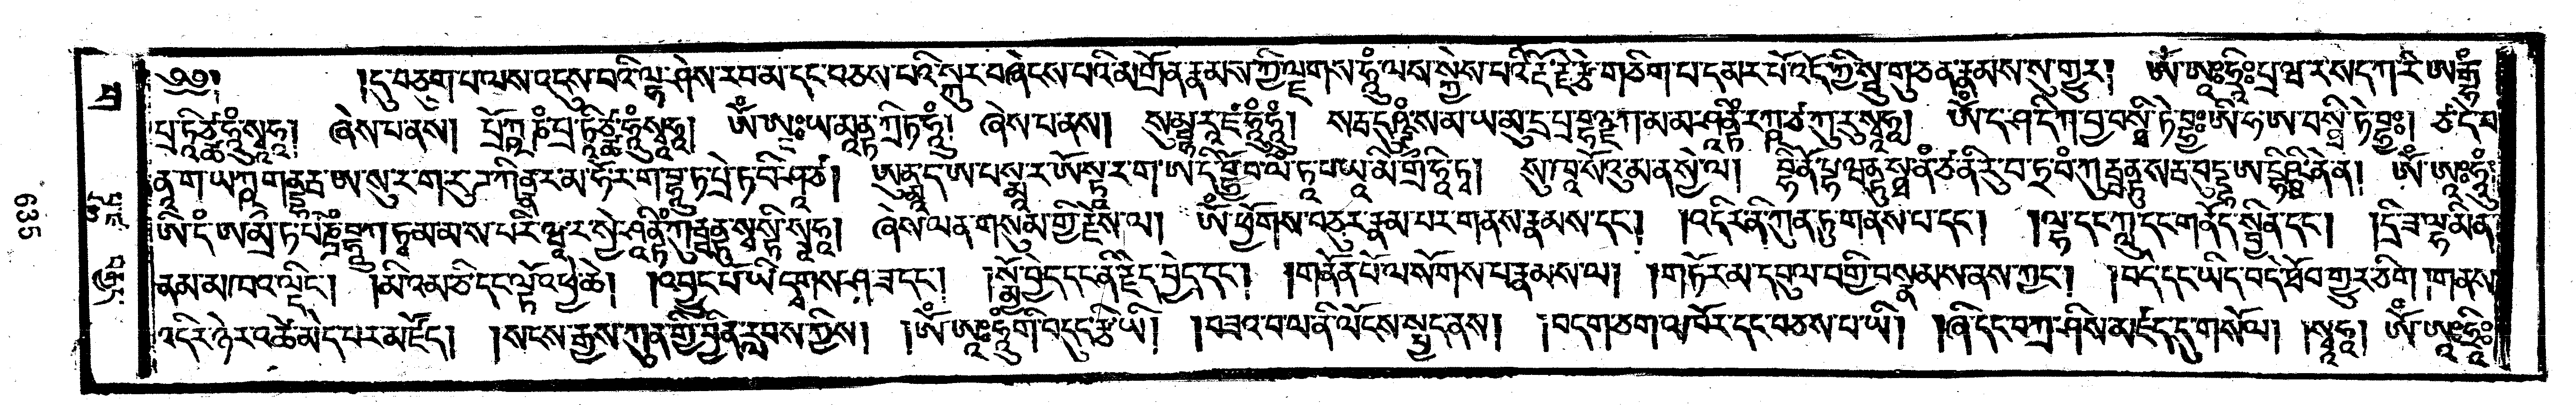༄༅། །དུ་བཅུག་པ་ལས་འདུས་བའི་ལྷ་ཤེས་རབ་མ་དང་བཅས་པའི་སྐུར་བཞེངས་པའི་མགྲོན་རྣམས་ཀྱི་ལྗགས་ཧཱུཾ་ལས་སྐྱེས་པའི་རྡོ་རྗེ་རྩེ་གཅིག་པ་དམར་པོ་འོད་ཀྱི་སྦུ་གུ་ཅན་རྣམས་སུ་གྱུར། ཨོཾ་ཨཱཿ ཧྲཱིཿ པྲ་ཝ་ར་སད་ཀ་རི་ཨརྒྷཾ་
པྲ་ཏཱིཙྪ་ཧཱུཾ་སྭཱ་ཧཱ། ཞེས་པ་ནས། པྲོཀྵ་ཎཾ་པྲ་ཏཱིཙྪ་ཧཱུཾ་སྭཱ་ཧཱ། ཨོཾ་ཨཱ༑ ཡ་མཱནྟ་ཀྲིཏ་ཧཱུཾ། ཞེས་པ་ནས། སུམྦྷ་རཱ་ཇཾ་ཧཱུཾ་ཧཱུཾ། སརྦ་དུཥྚཾ་ས་མ་ཡ་མུ་དྲ་པྲ་བྷཉྫ་ཀ་མ་མ་ཤཱནྟིཾ་རཀྵ་ཙ་ཀུ་རུ་སྭཱ་ཧཱ། ཨོཾ་ད་ཤ་དིཀ་བྱ་བསྠི་ཏེ་བྷྱཿ ཨི་ཧ་ཨ་བསྠི་ཏེ་བྷྱཿ། ཙ་ད་བ་
ནཱ་ག་ཡཀྵ་གནྡྷརྦ་ཨ་སུ་ར་ག་རུ་ཌ་ཀིནྣ་ར་མ་ཧོ་ར་ག་བྷཱུ་ཏ་པརེ་ཏ་བི་ཤཱ་ཙ། ཨུནྨཱ་ད་ཨ་པསྨཱ་ར་ཨོ་སྟ་ར་ག་ཨ་དི་བྷྱོ་བ་ལཾ་ཏཱ་པ་ཡཱ་མི་གྲྀ་ཧཱི་ཏྭ། སུ་ཁཱ་སོའུ་མ་ན་སྱེ་ལ། བྷི་ནོ་ཕ་ཝནྟུ་སྠ་ནཾ་ཙ་ནི་རུ་བ་ཏྲ་བཾ་ཀུརྦྦནྟུ་སརྦ་བུདྡྷ་ཨ་དྷིཥཊཿཨི་ནེ་ན། ཨོཾ་ཨཱཿ ཧཱུཾ།
ཨི་དཾ་ཨ་མྲྀ་ཏ་པཎྜཾ་བྷཱུཀ་ཏྭ་མ་མ་ས་པ་རི་ཝཱ་ར་སྱེ་ཤཱནྟིཾ་ཀུརྦྦནྟུ་སྭ་སྟི་སྭཱཧཱ། ཞེས་ལན་གསུམ་གྱི་རྗེས་ལ། ཨོཾ་ཕྱོགས་བཅུར་རྣམ་པར་གནས་རྣམས་དང་། །འདིར་ནི་ཀུན་ཏུ་གནས་པ་དང་། །ལྷ་དང་ཀླུ་དང་གནོད་སྦྱིན་དང་། །དྲི་ཟ་ལྷ་མིན་
ནམ་མཁའ་ལྡིང་། །མི་འམ་ཅི་དང་ལྟོ་འཕྱེ་ཆེ། །འབྱུང་པ་ཡི་དྭགས་ཤ་ཟ་དང་། །སྨྱོ་བྱེད་དང་ནི་རྗེད་བྱེད་དང་། །གནོན་པོ་ལ་སོགས་པ་རྣམས་ལ། །གཏོར་མ་དབུལ་བགྱི་བསྣམས་ནས་ཀྱང་། །བདེ་དང་ཡིད་བདེ་ཐོབ་གྱུར་ཅིག །གནས་
འདིར་ཉེར་འཚེ་མེད་པར་མཛོད། །སངས་རྒྱས་ཀུན་གྱི་བྱིན་རླབས་ཀྱིས། །ཨོཾ་ཨཱཿ ཧཱུཾ་གི་བདུད་རྩི་ཡི། །བཟའ་བ་ལ་ནི་ལོངས་སྤྱད་ནས། །བདག་ཅག་འཁོར་དང་བཅས་པ་ཡི། །ཞི་དང་བཀྲ་ཤིས་མཛད་དུ་གསོལ། །སྭཱ་ཧཱ། ཨོཾ་ཨཱཿ ཧྲཱིཿ